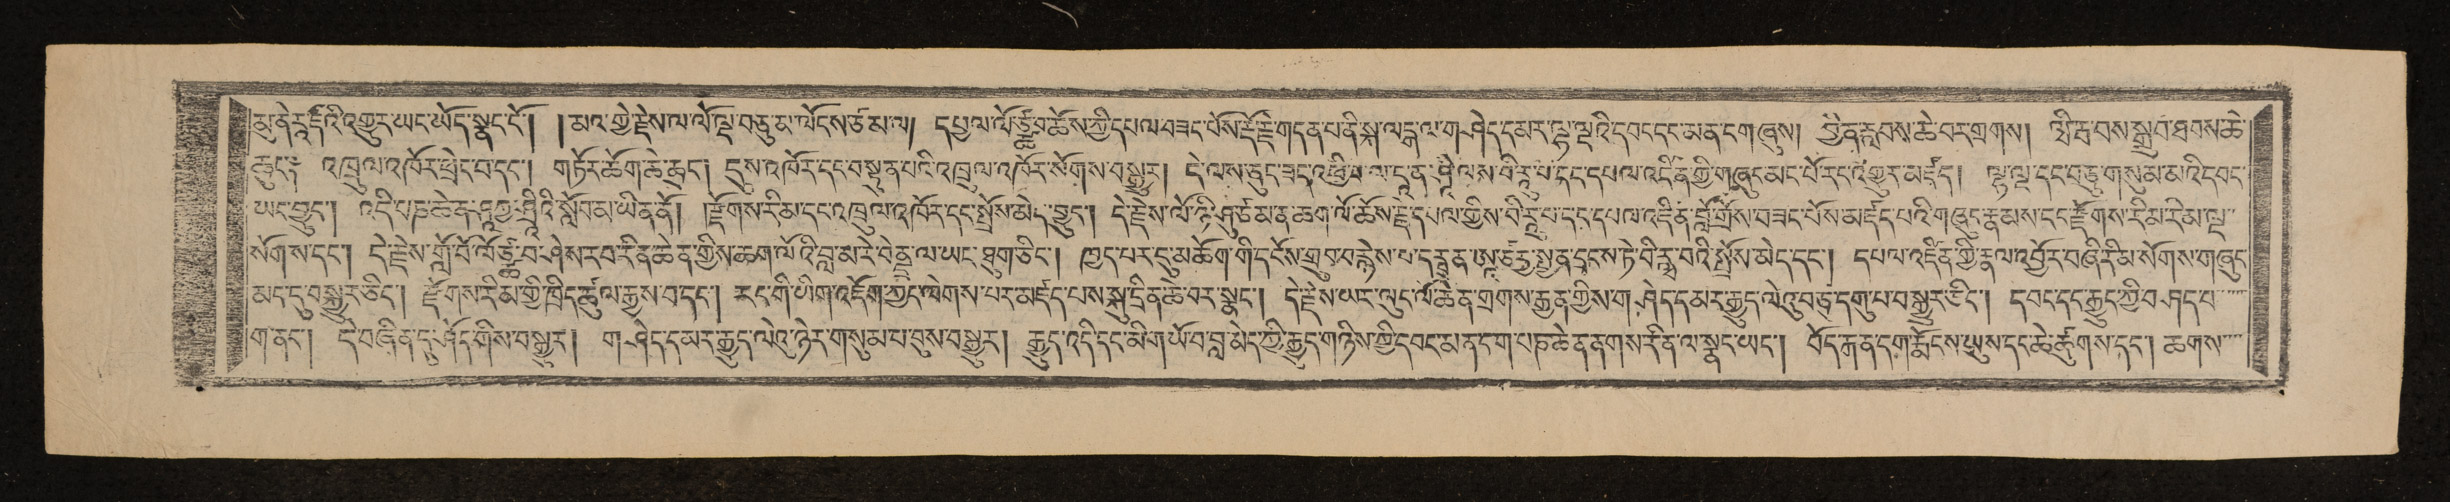མུནེརཱ་ཛའི་འགྱུར་ཡང་ཡོད་སྣང་ངོ། །མལ་གྱི་རྗེས་ལ་ལོ་ལྔ་བཅུ་མ་ལོངས་ཙམ་ལ། དབྱལ་ལོཙྪ་བ་ཆོས་ཀྱི་དཔལ་བཟང་པོས་རྡོ་རྗེ་གདན་པ་ནི་སྐལ་ལདག་ལ་གཤེད་དམར་ལྷ་ལྔའི་དབང་དང་མན་ངག་ཞུས། བྱིན་རླབས་ཆེ་བར་གྲགས། ཝིཾརྦ་བས་སྒྲུབ་ཐབས་ཆེ་
ཆུང༑ འཁྲུལ་འཁོར་ཕྲེང་བ་དང་། གཏོར་ཆོག་ཆེ་ཆུང་། དུས་འཁོར་དང་བསྟུན་པའི་འཁྲུལ་འཁོར་སོགས་བསྒྱུར། དེ་ལས་ཅུང་ཟད་འཕྱིང་ལ་དཱ་ན་ཤཱི་ལས་བིརཱུ་པ་དང་དཔལ་འཛིན་གྱི་གཞུར་མང་པོ་རང་འགྱུར་མཛད། ལྷ་ལྔ་དང་བཅུ་གསུམ་མའི་དབང་
ཡང་བྱུང་། འདི་པཎ་ཆེན་ཤཱཀྱ་ཤྲཱིའི་སློབ་མ་ཡིན་ནོ། །རྫོགས་རིམ་དང་འཁྲུལ་འཁོར་དང་སྤྲོས་མེད་བྱུང་། དེ་རྗེས་ལོ་ཉི་ཤུ་ཙམ་ན་ཆག་ལོ་ཆོས་རྗེ་དཔལ་གྱིས་བིརཱུ་པ་དང་དཔལ་འཛིན་བློ་གྲོས་བཟང་པོས་མཛད་པའི་གཞུང་རྣམས་དང་རྫོགས་རིམ་རིམ་ལྔ་
སོགས་དང་། དེ་རྗེས་གློ་བོ་ལོཙྪ་བ་ཤེས་རབ་རིན་ཆེན་གྱིས་ཆག་ལོའི་བླ་མ་རེ་བེནྡྲ་ལ་ཡང་ཐུག་ཅིང་། ཁྱད་པར་དུ་མཆོག་གི་དངོས་གྲུབ་བརྙེས་པ་དརྦན་ཨཱ་ཙརྱ་སྤྱན་དྲངས་ཏེ་བིརྭ་བའི་སྤྲོས་མེད་དང་། དཔལ་འཛིན་གྱི་རྣལ་འབྱོར་བཞི་རིམ་སོགས་གཞུང་
མང་དུ་བསྒྱུར་ཅིང་། རྫོགས་རིམ་གྱི་ཁྲིད་ཚུལ་རྒྱས་བ་དང་། རང་གི་ཡིག་འཇོག་ཀྱང་ལེགས་བར་མཛད་པས་སྐུ་དྲིན་ཆེ་བར་སྣང་། དེ་རྗེས་ཡར་ལུང་ལོ་ཚན་གྲགས་རྒྱན་གྱིས་གཤེད་དམར་རྒྱུད་ལེའུ་བཅུ་དགུ་པ་བསྒྱུར་ཅིང་། དབང་དང་རྒྱུད་ཀྱི་བཤད་པ་
གནང་། དེ་བཞིན་དུ་ཤོད་གིས་བསྒྱུར། གཤེད་དམར་རྒྱུད་ལེའུ་ཉེར་གསུམ་བ་བུས་བསྒྱུར། རྒྱུད་འདི་དང་མི་གཡོ་བ་བླ་མེད་ཀྱི་རྒྱུད་གཉིས་ཀྱི་དབང་མན་ངག་པཎ་ཆེན་ནགས་རིན་ལ་སྣང་ཡང་། བོད་རྒན་དག་རྨོངས་ཡུས་དང་ཆེ་ཚུགས་དང་། ཆགས་